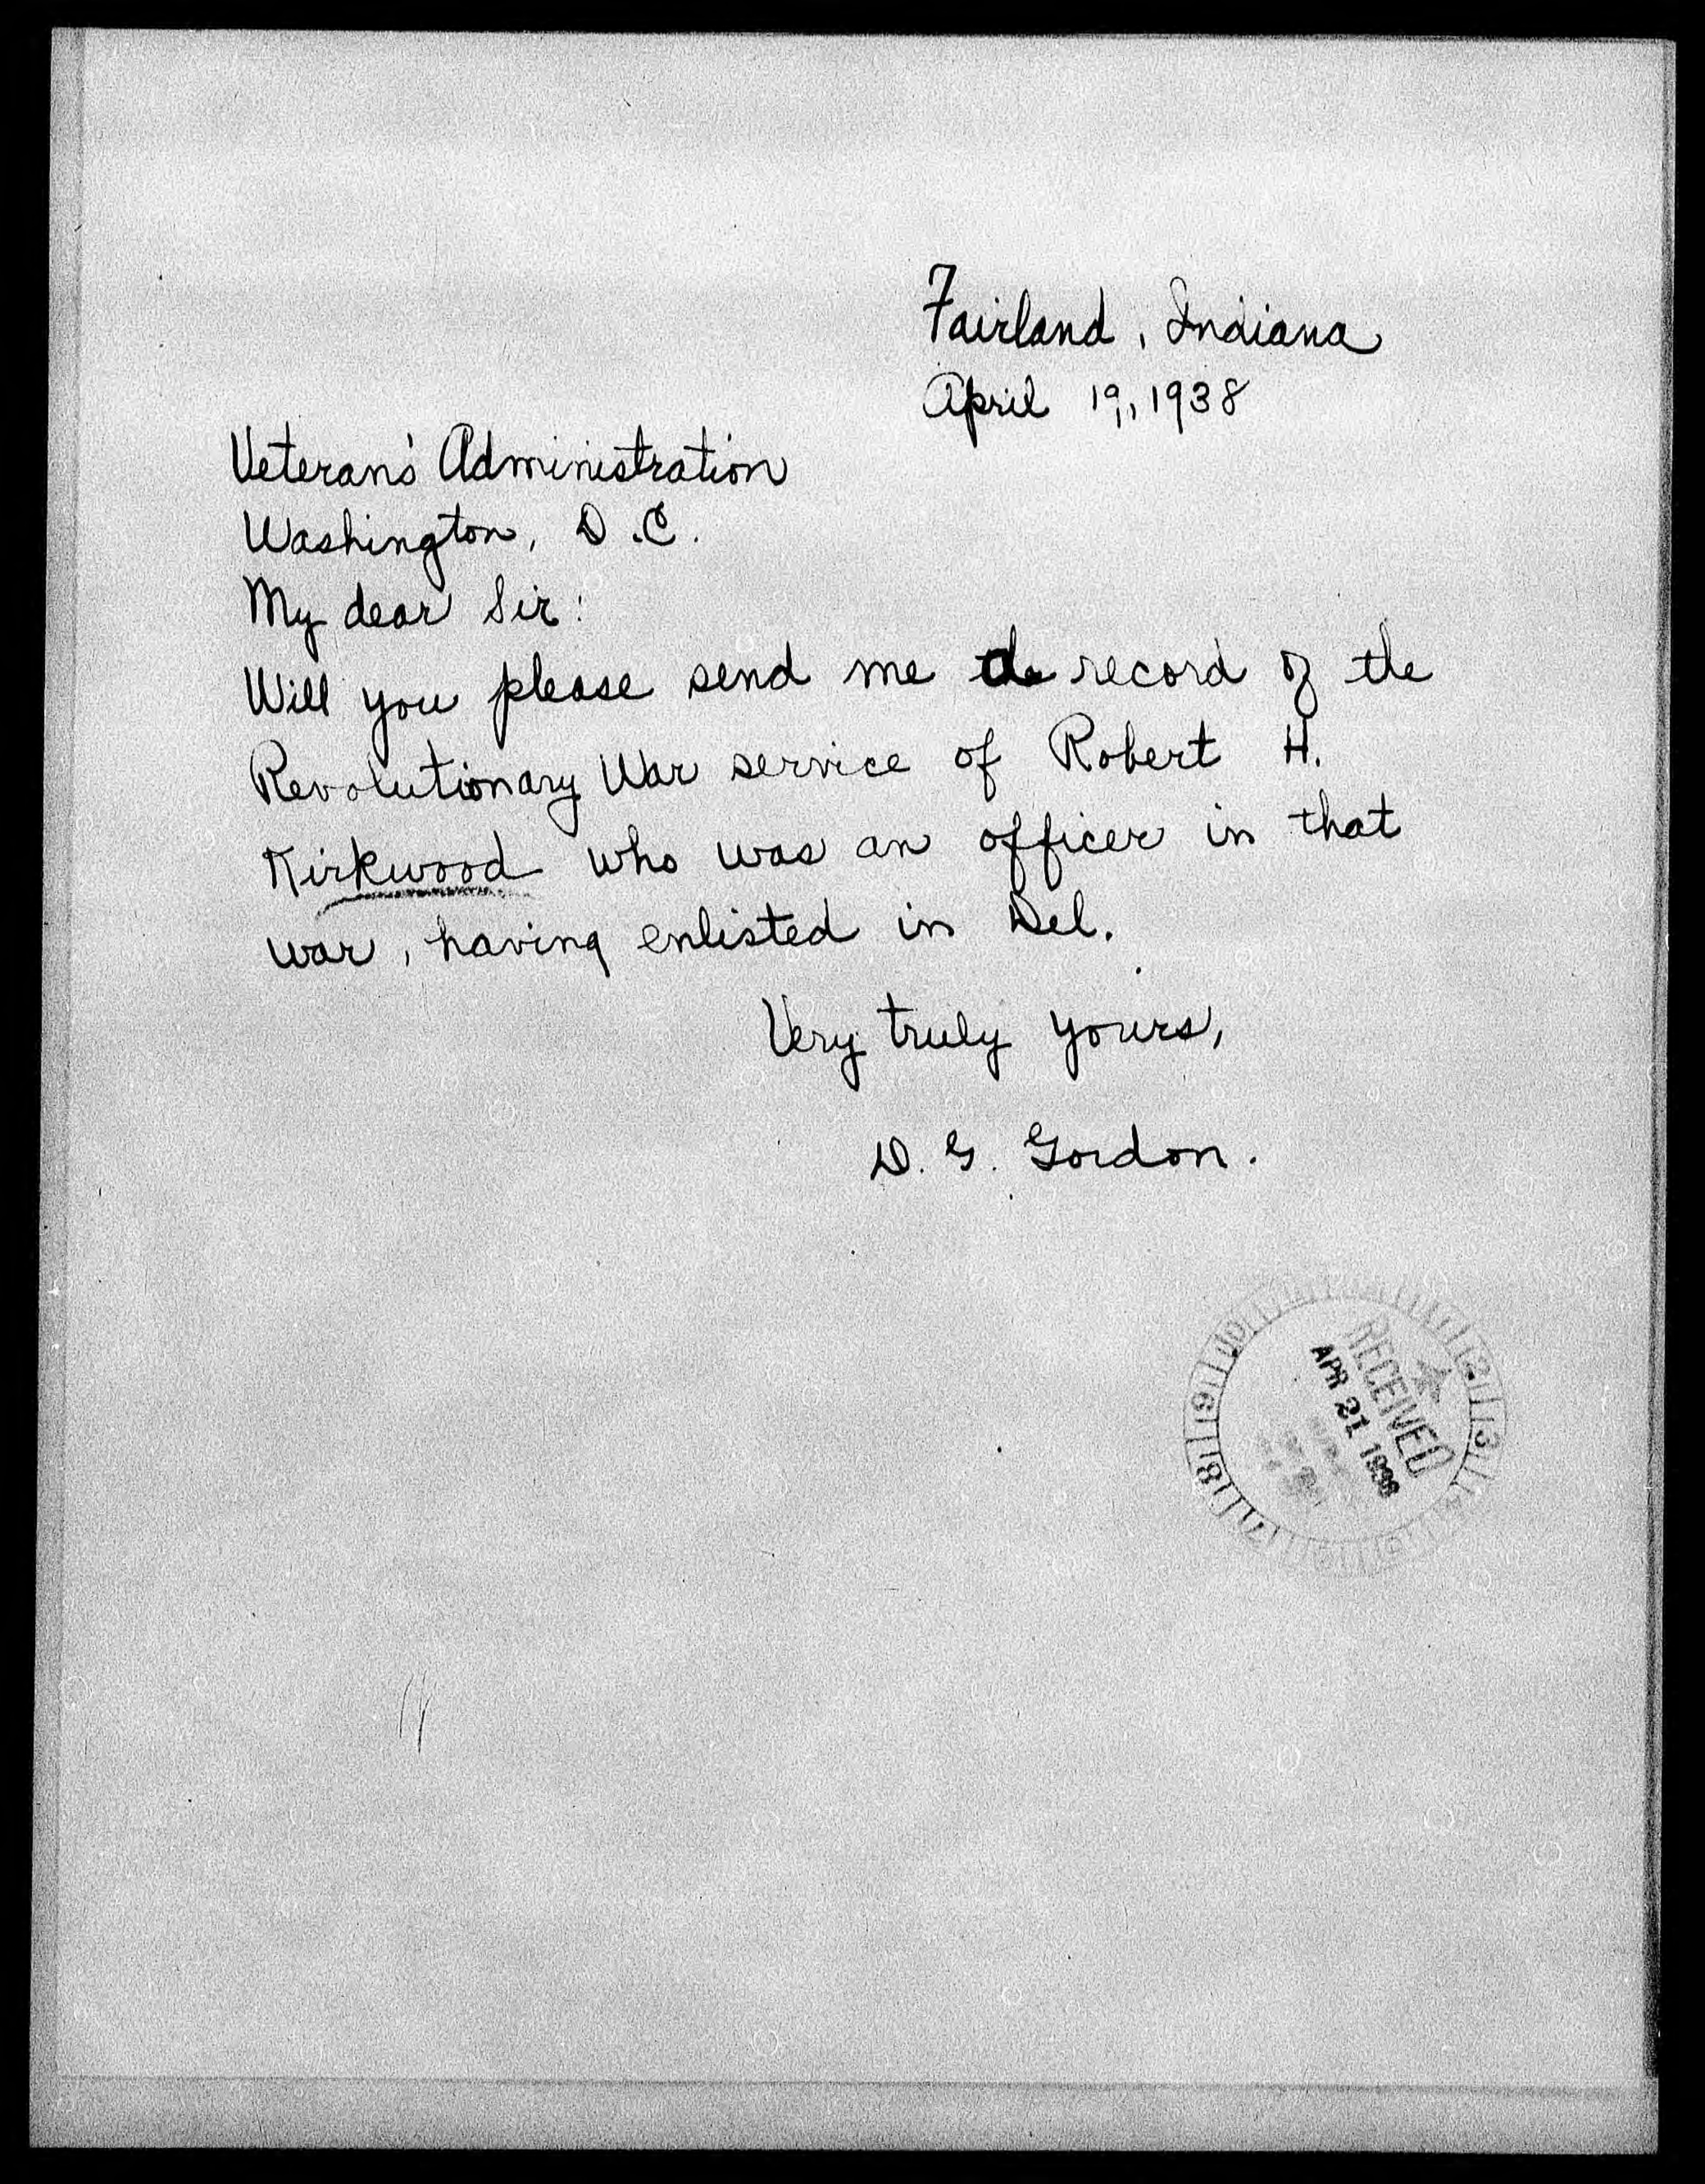Fairland, Indiana
April 19, 1938
Veterans Administration
Washington, D.C
My dear Sir:
Will you please send me the record of the
Revolutionary War service of Robert H.
Kirkwood who was an officer in that
war, having enlisted in Del.
Very truly yours,
D. G. Gordon
[stamped in lower right: Received APR 21, 1938]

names: Robert H Kirkwood; D G Gordon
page: 18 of 20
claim: bounty land warrant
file: B. L. Wt. 1102-300, for Robert Kirkwood, Delaware